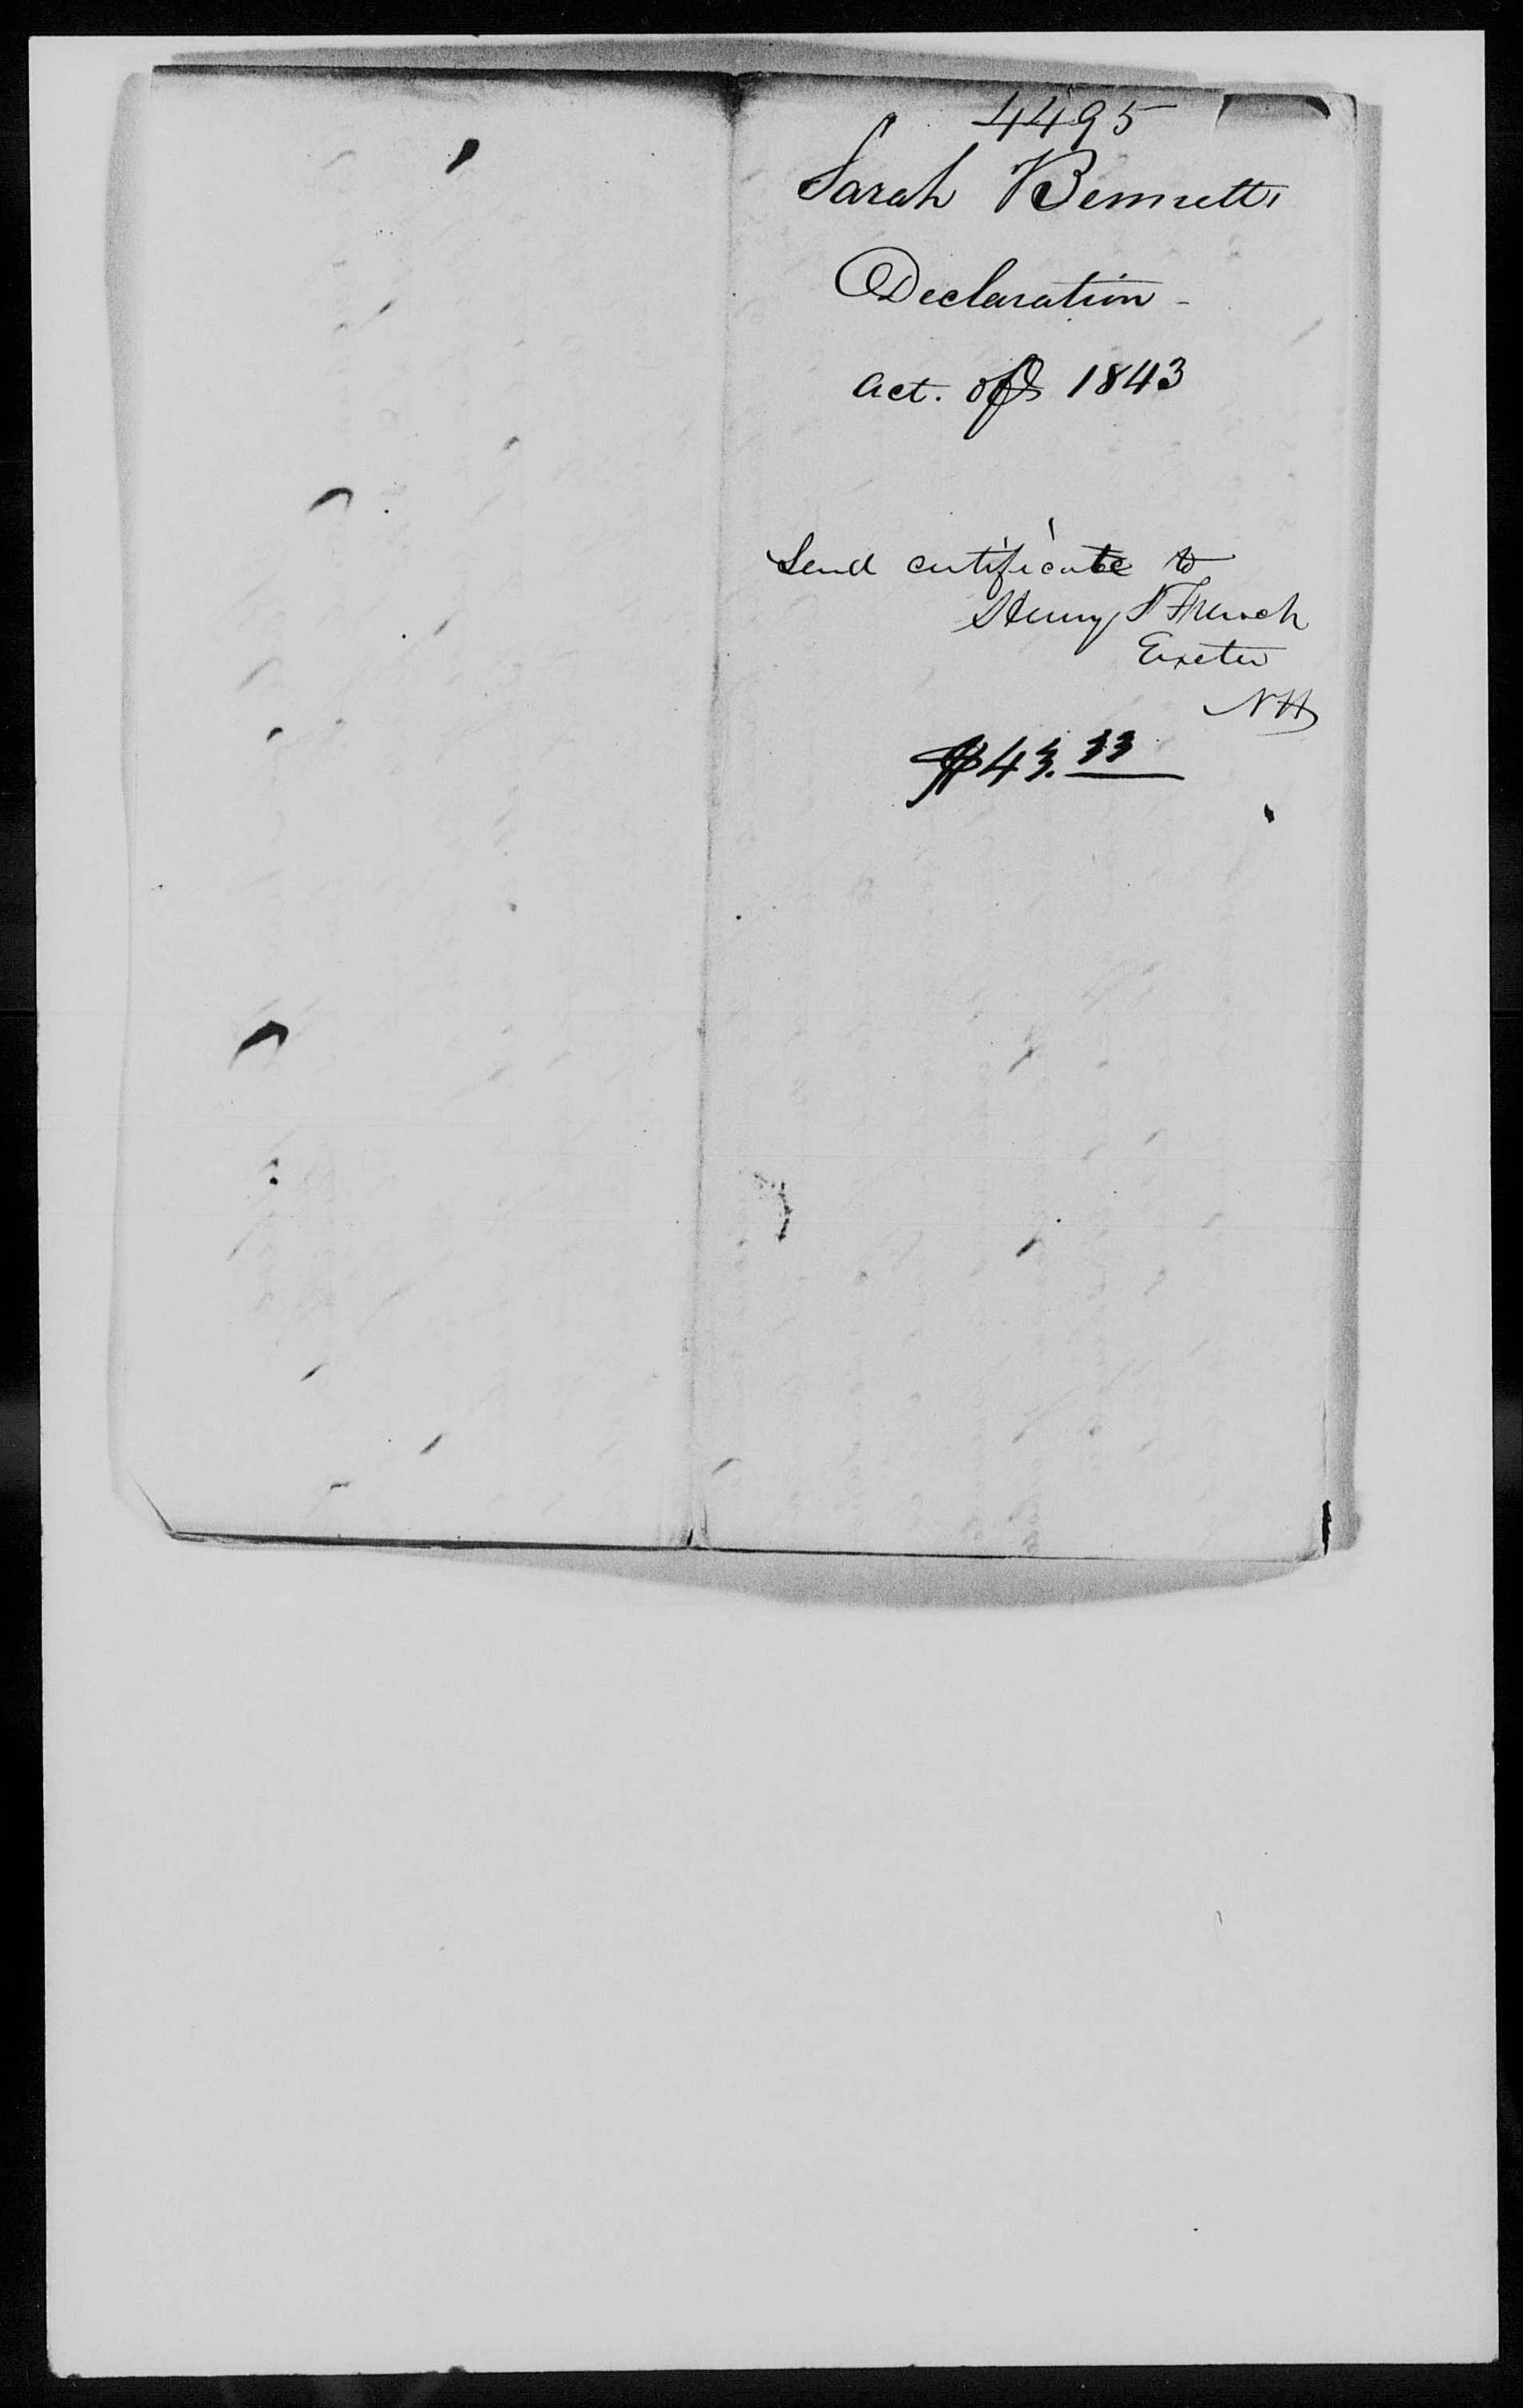4495
Sarah Bennett
Declaration
Act of 1843
Send certificate to
Henry F French
Exeter
N H
$43.33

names: Henry F French, Sarah Bennett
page: 31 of 43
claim: widow's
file: W. 21665, Ebenezer Bennett, N. H. Privateer.